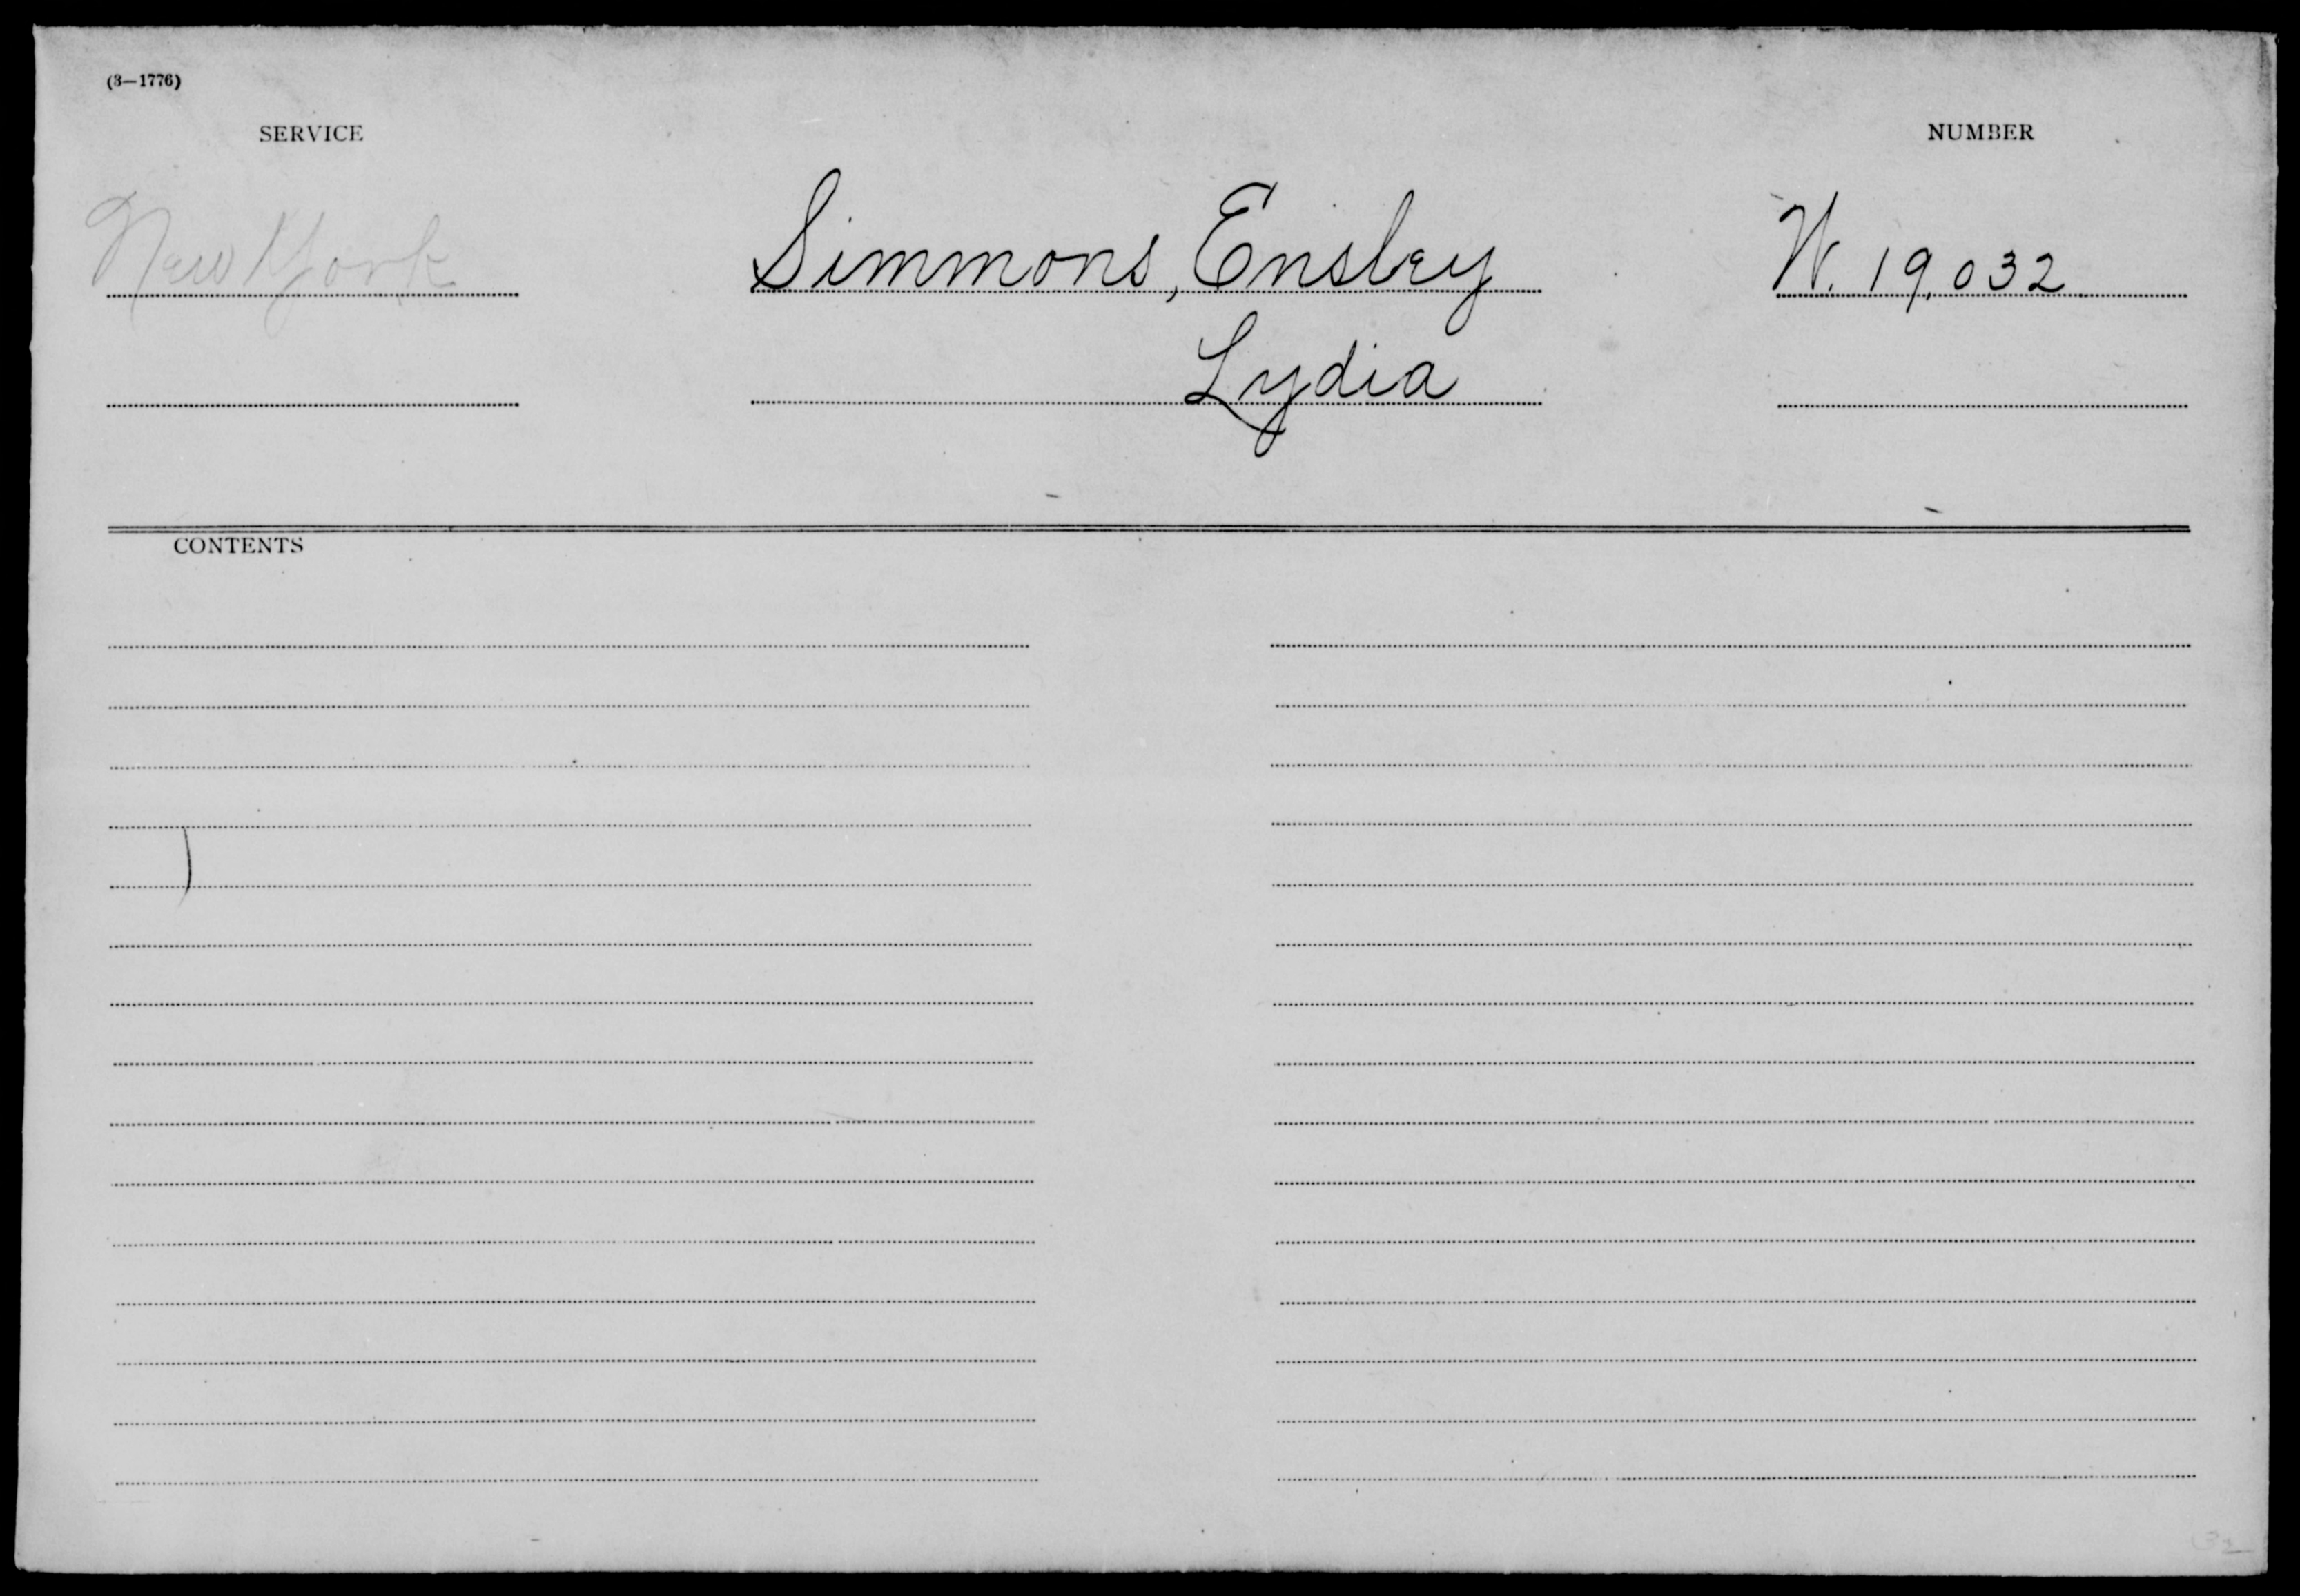3 - 1776)
SERVICE
New York
Simmons, Ensley
Lydia
NUMBER
W. 19,032
CONTENTS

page: 1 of 29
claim: widow's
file: W. 19,032, for Ensley Simmons, New York